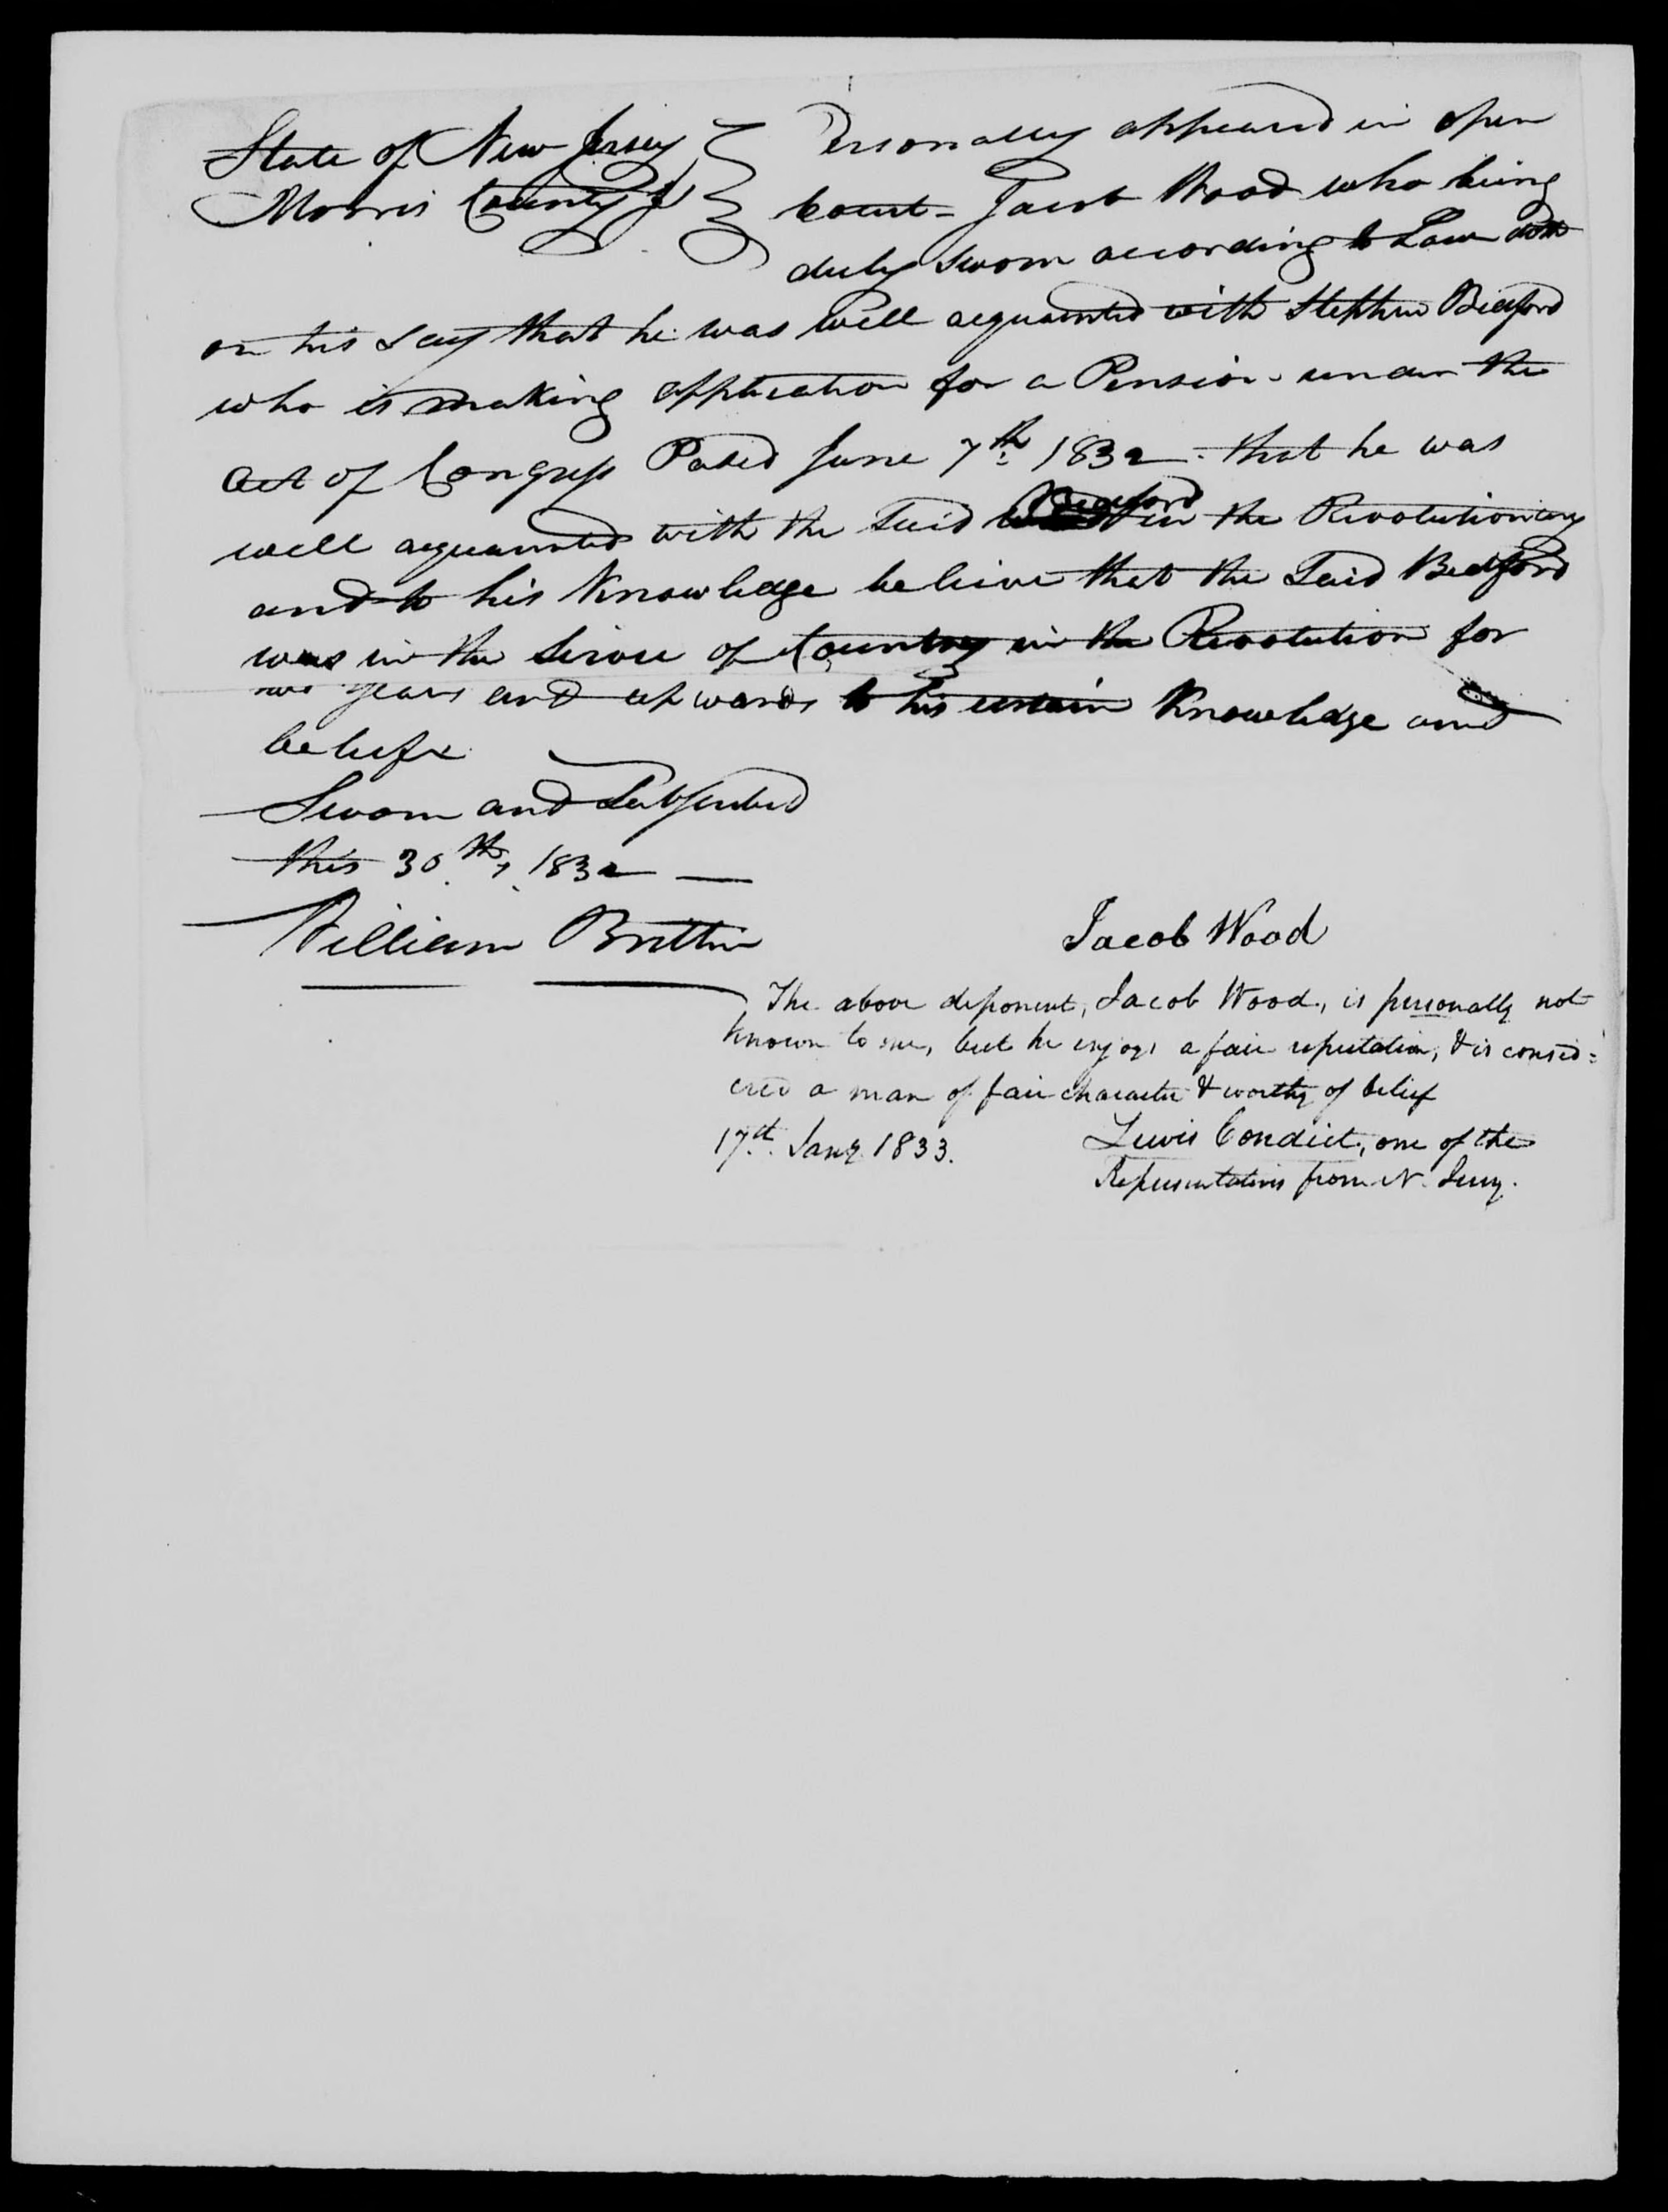State of New Jersey}
Morris County} Ss
Personally appeared in open Court Jacob Wood who being duly sworn according to Law on his say that he was well acquainted with Stephen Bedford who is making application for a Pension under the Act of Congress Passed June 7th 1832 that he was well acquainted with the said Bedford in the Revolutionary and to his knowledge believe that the said Bedford was in the Service of Country in the Revolution for two years and upwards to his certain knowledge and belief.
  Jacob Wood
Sworn and Subscribed
this 30th, 1834
William Brittin 
The above deponent, Jacob Wood, is personally not known to me, but he enjoys a fair reputation, & is considered a man of fair character & worthy of belief
17th Jany 1833 Lewis Condict, one of the Representatives from N. Jersey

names: Bedford, Jacob Wood, Lewis Condict, Jacob Wood, Jacob Wood, Stephen Bedford, Bedford, William Brittin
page: 27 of 31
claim: survivor's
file: S. 2372, Stephen Bedford, New Jersey